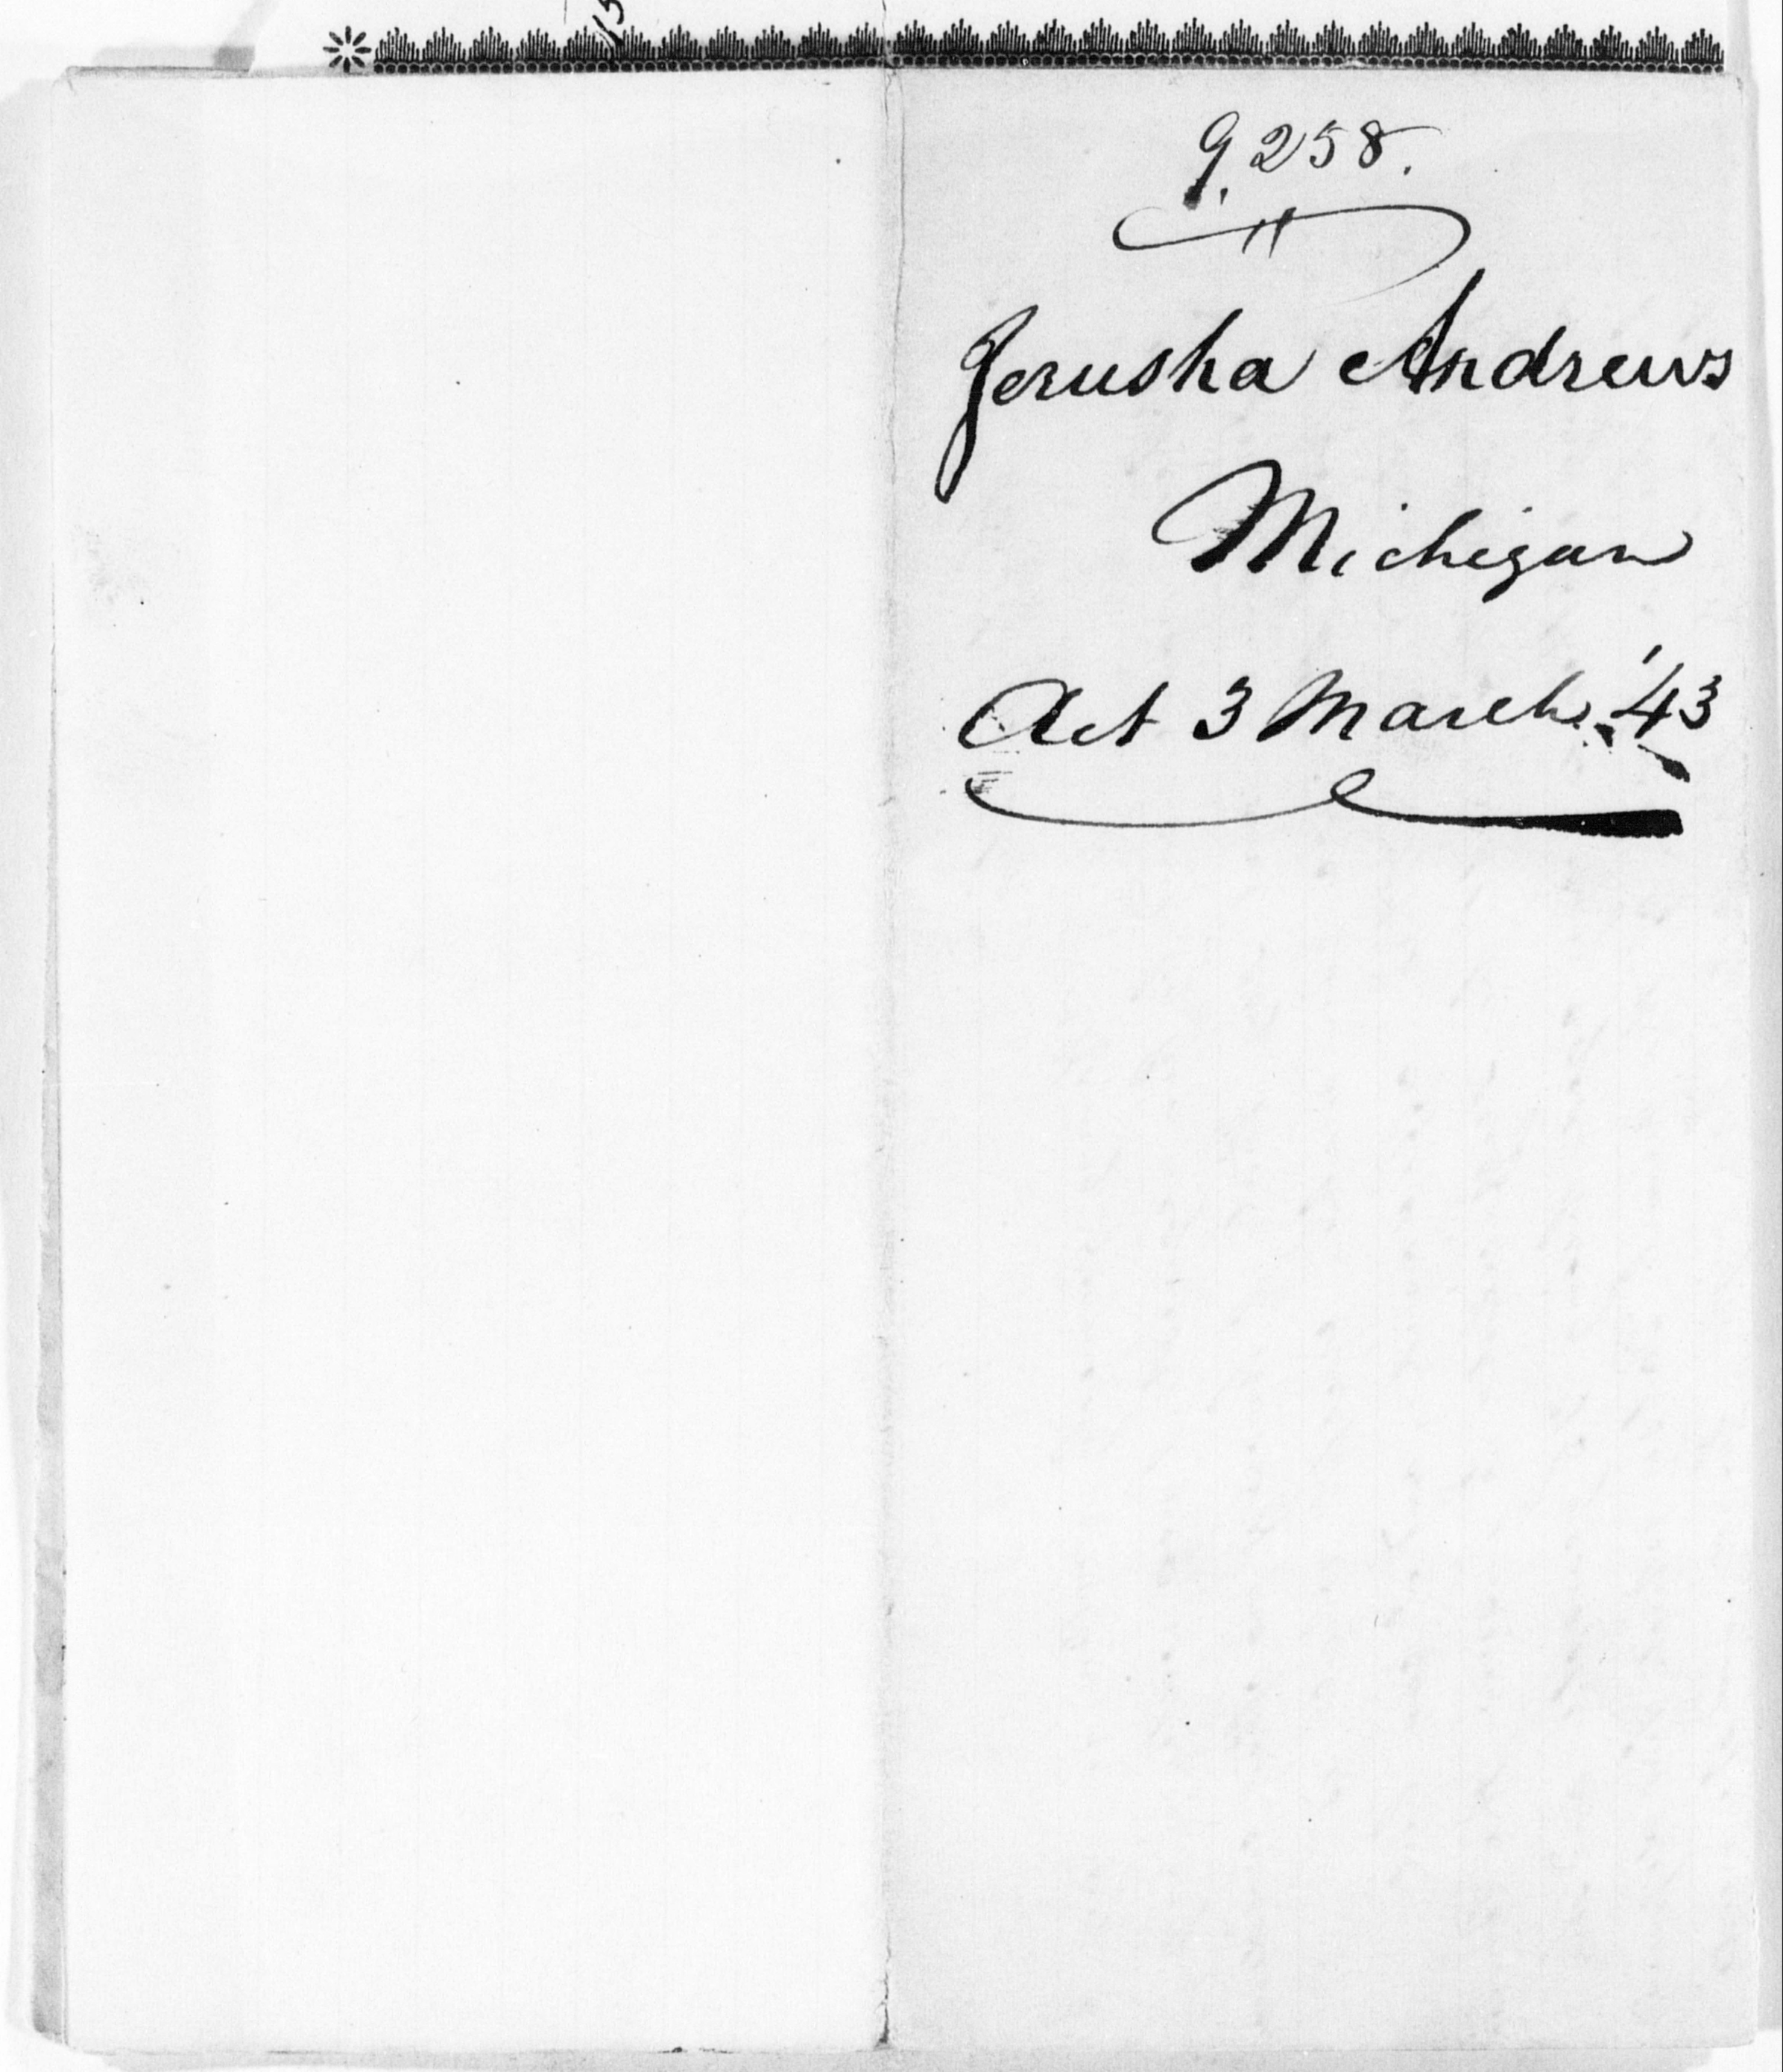9258
Jerusha Andrews
Michigan
Act 3 March 43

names: Jerusha Andrews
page: 8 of 78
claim: widow's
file: W. 4117, Nathaniel Bradley, Conn.